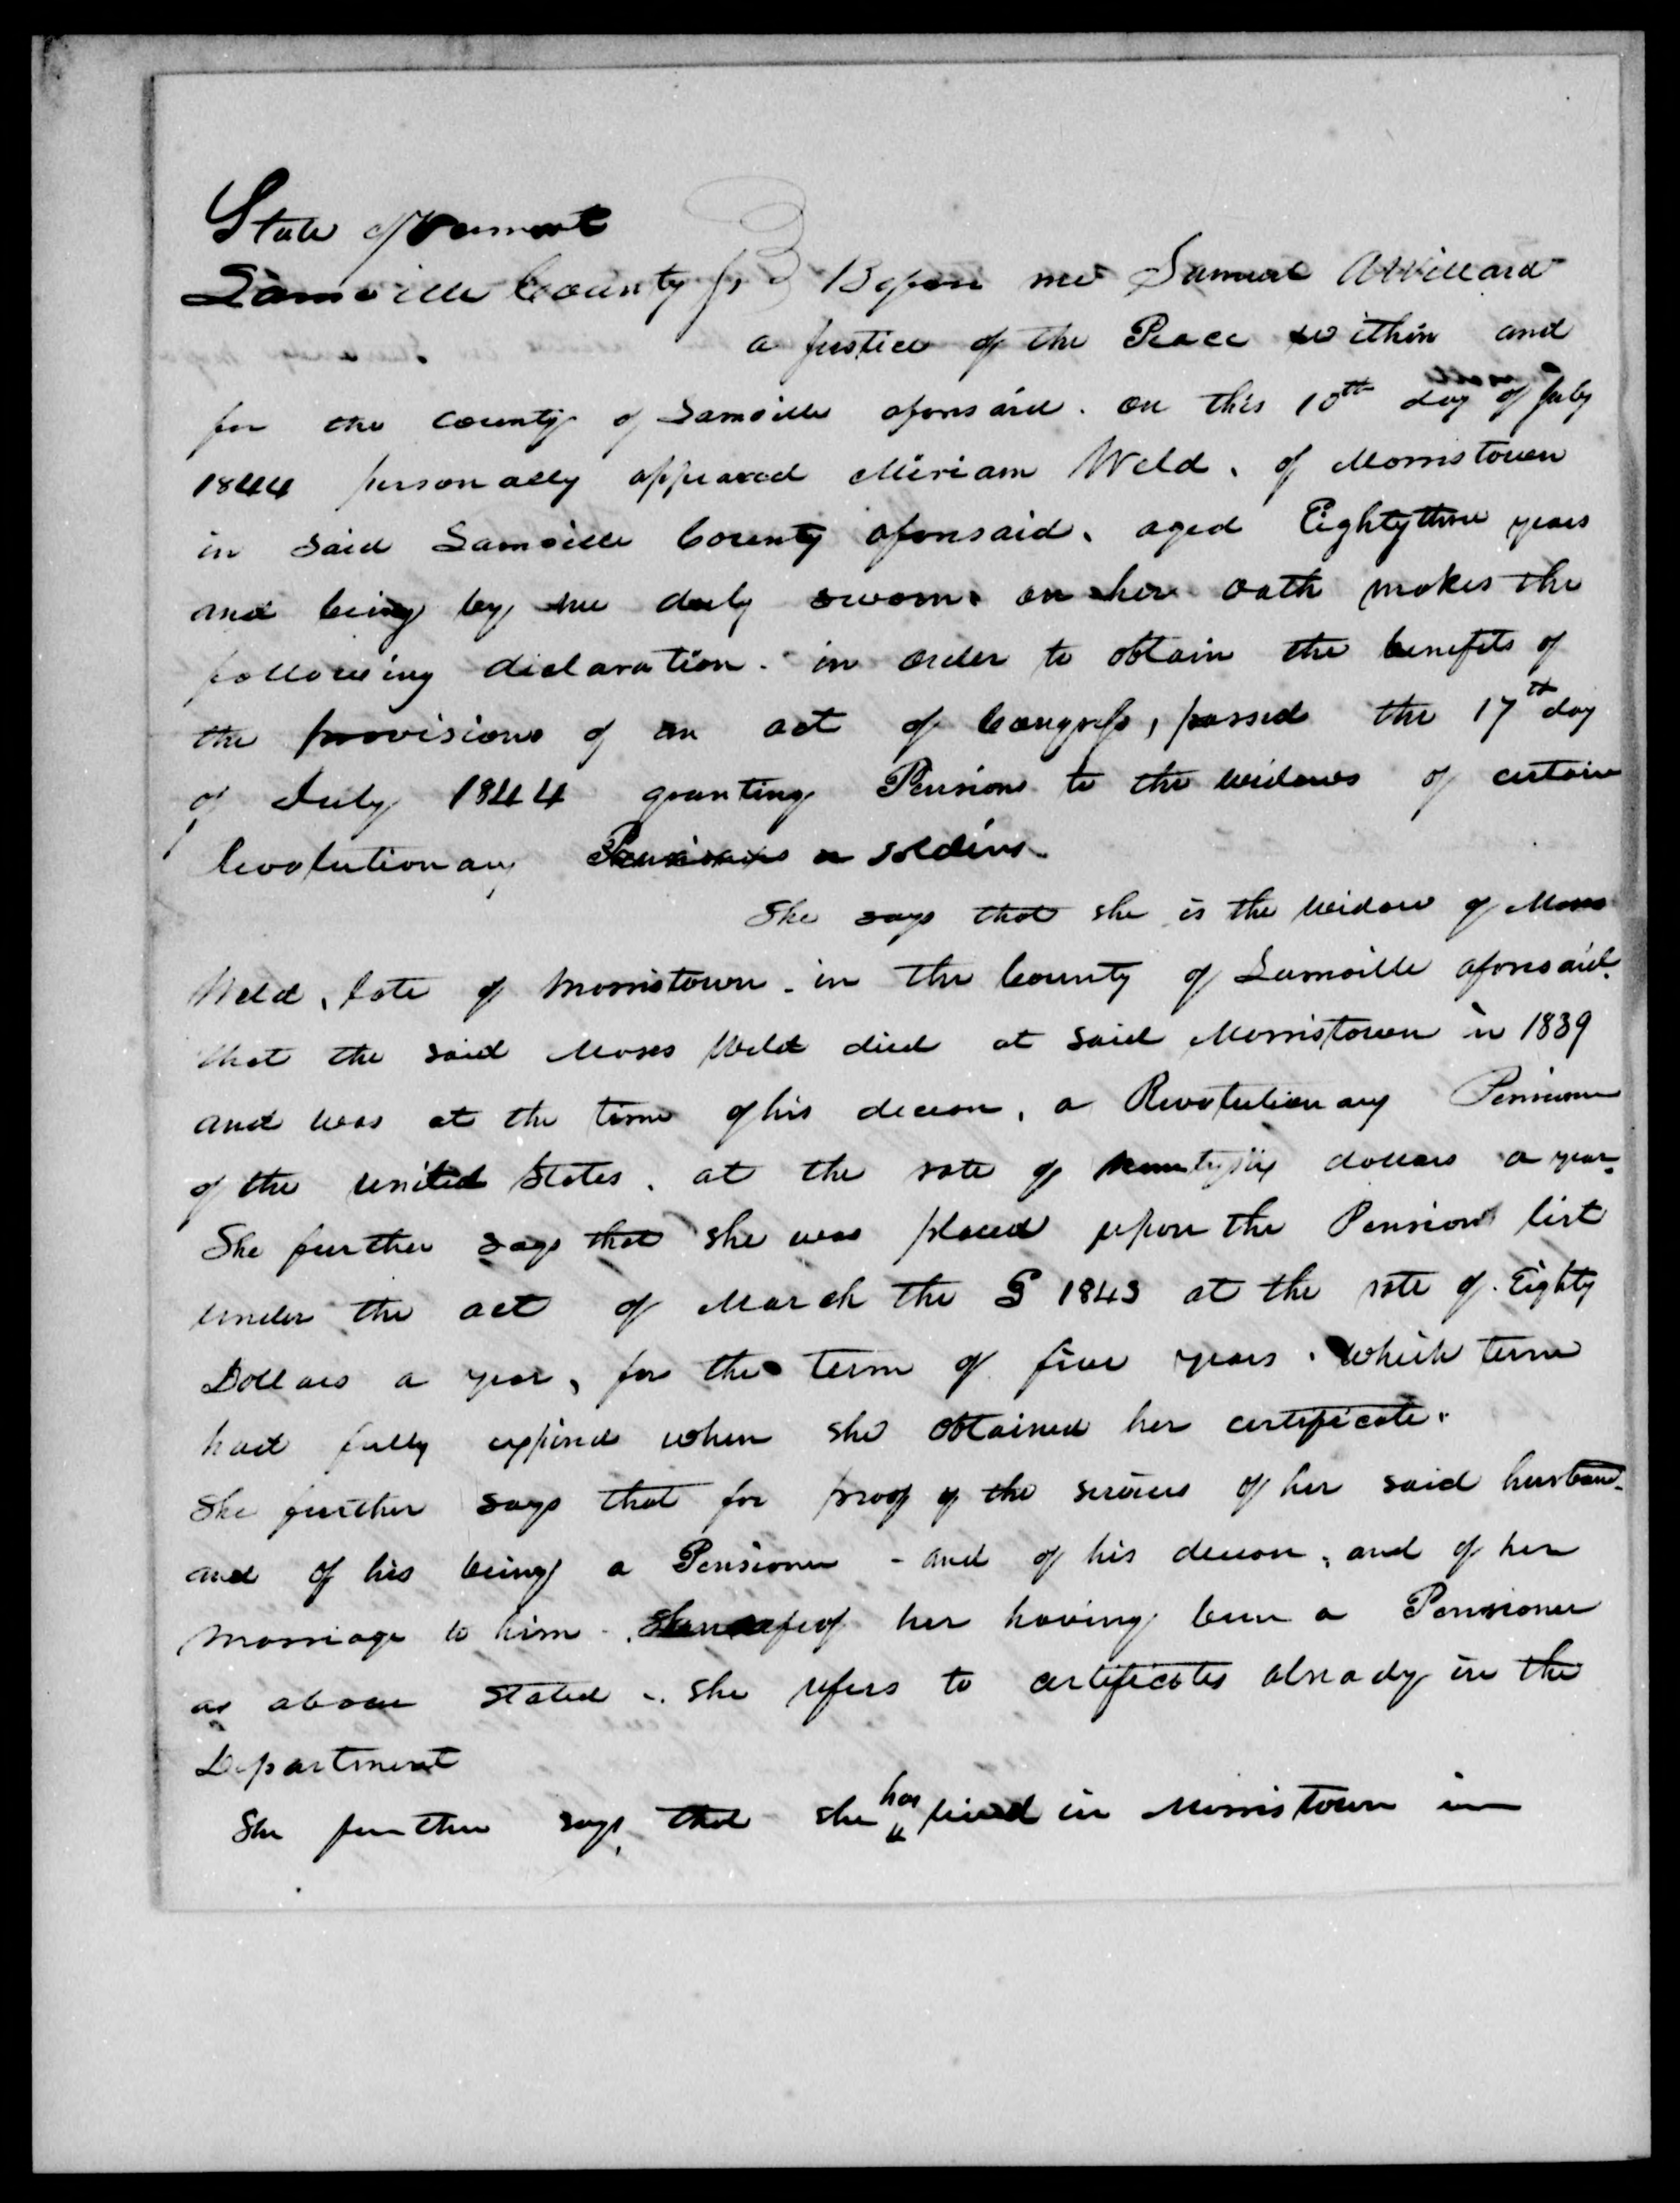State of Vermont
Lamoille County
Before me Samuel A Willard
a Justice of the Peace within and
for the County of Lamoille aforesaid. on this 10th day of July 1844 personally appeared Miriam Weld of Morristown in said Lamoille County aforesaid, aged Eighty three years and being by me duly sworn on her oath makes the following declaration. in order to obtain the benefits of the provisions of an act of Congress, passed the 17th day of July 1844 granting Pensions to the widows of certain
Revolutionary Pensioners or soldiers.  
She says that she is the widow of Moses
Weld late of Morristown, in the County of Lamoille aforesaid,  that the said Moses Weld died at said Morristown in 1839 and was at the time of his decease, a Revolutionary Pensioner
of the United States, at the rate of seventy six dollars a year. She further says that she was placed upon the pension list under the act of March the 3d 1843 at the rate of Eighty
Dollars a year, for the term of five years. which term had fully [expired]? when she obtained her certificate.  She further says that for proof of the services of her said husband, and of his being a Pensioner - and of his decease, and of her marriage to him - [illegible] of her having been a Pensioner as above stated - she refers to certificates already in the Department. 
she further say that she [^has]? lived in Morristown in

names: Moses Weld, Miriam Weld, Samuel A Willard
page: 66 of 87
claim: widow's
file: W. 25,966, Moses Weld, Mass.